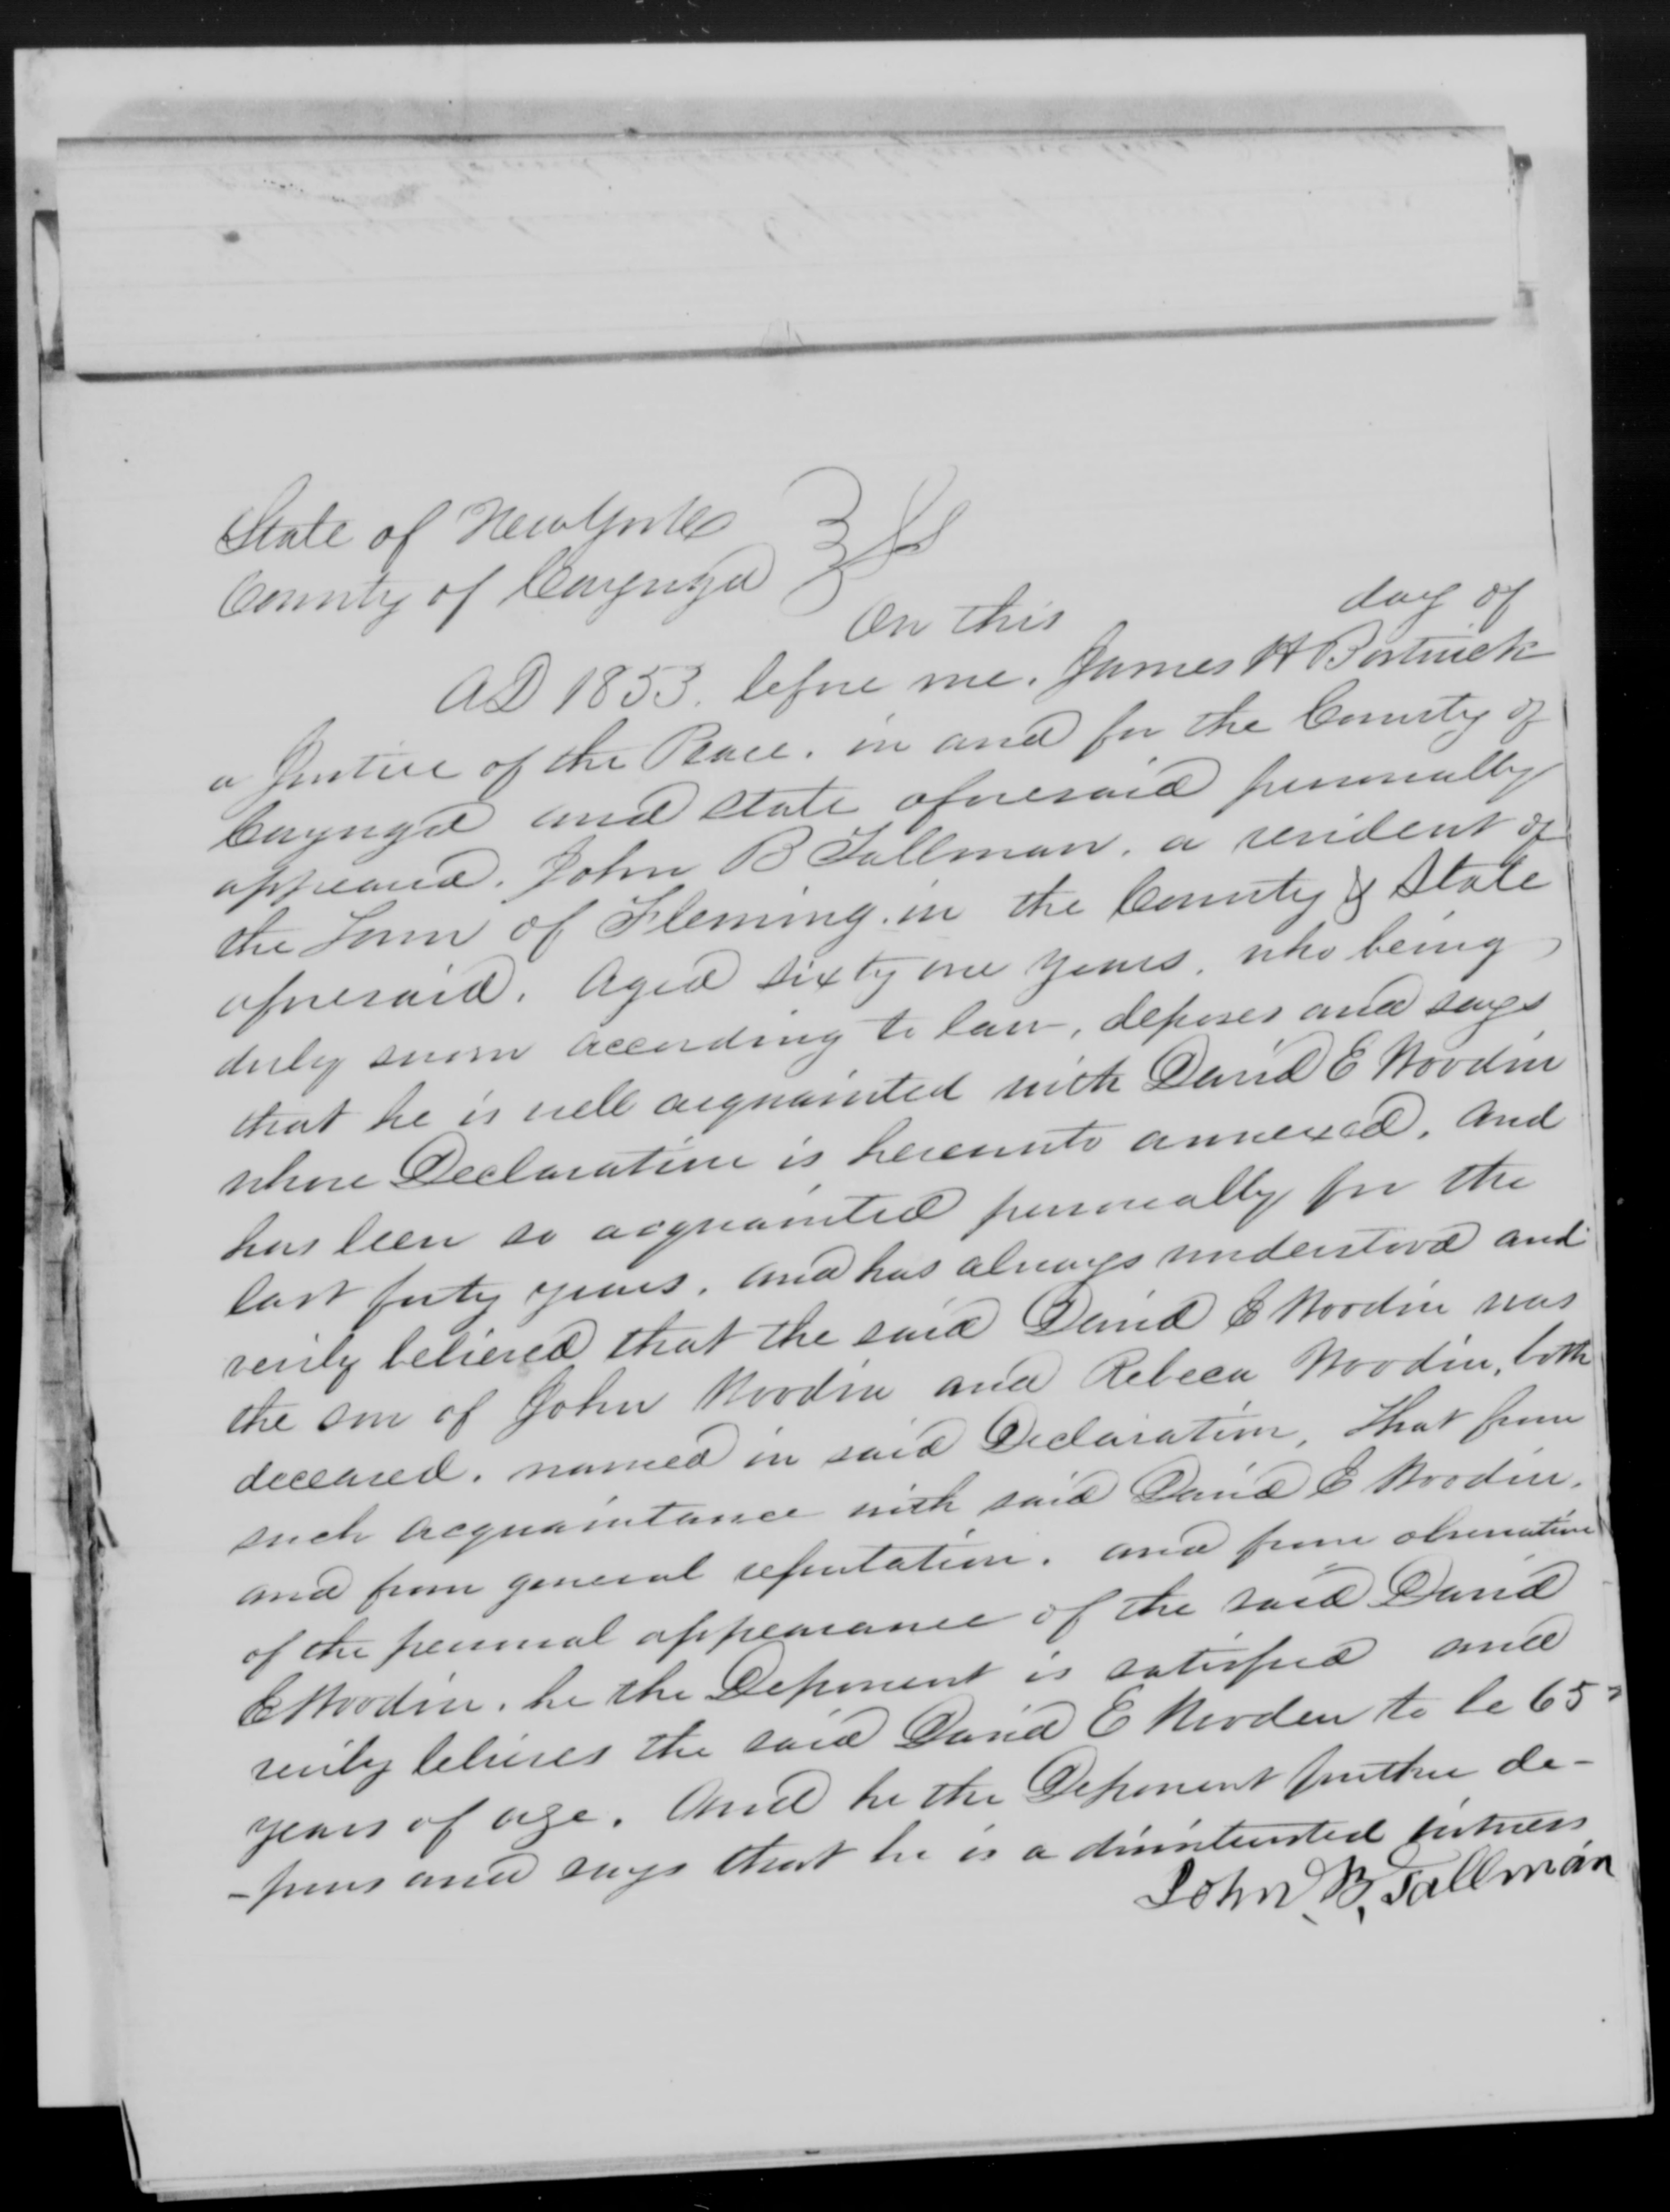State of New York 
County of Cayuga SS  On this [blank] day of [blank] AD 1853 before me, James H Bostwick Justice of the Peace in and for the County of Cayuga and State aforesaid personally appeared John B Tallman, a resident of the town of Fleming in the County & State aforesaid, aged sixty one years, who being duly sworn according to law, deposes and says that he is well acquainted with David E Woodin where declaration is hereunto annexed, and has been so acquainted personally for the last forty years, and has always understood and verily believed that the said David E Woodin was the son of John Woodin and Rebeca Woodin, both deceased, named in said Declaration, that from such acquaintance with said David E Woodin and from general reputation, and from observation of the personal appearance of the said David E Woodin, he the Deponent is satisfied and verily believes the said David E Wooden to be 65 years of age. And he the Deponent further depones and says that he is a disinterested witness 
John B. Tallman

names: John Woodin, John B Tallman, David E Woodin, James H Bostwick, Rebeca Woodin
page: 15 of 77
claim: widow's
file: W. 19658, John Woodin, New York